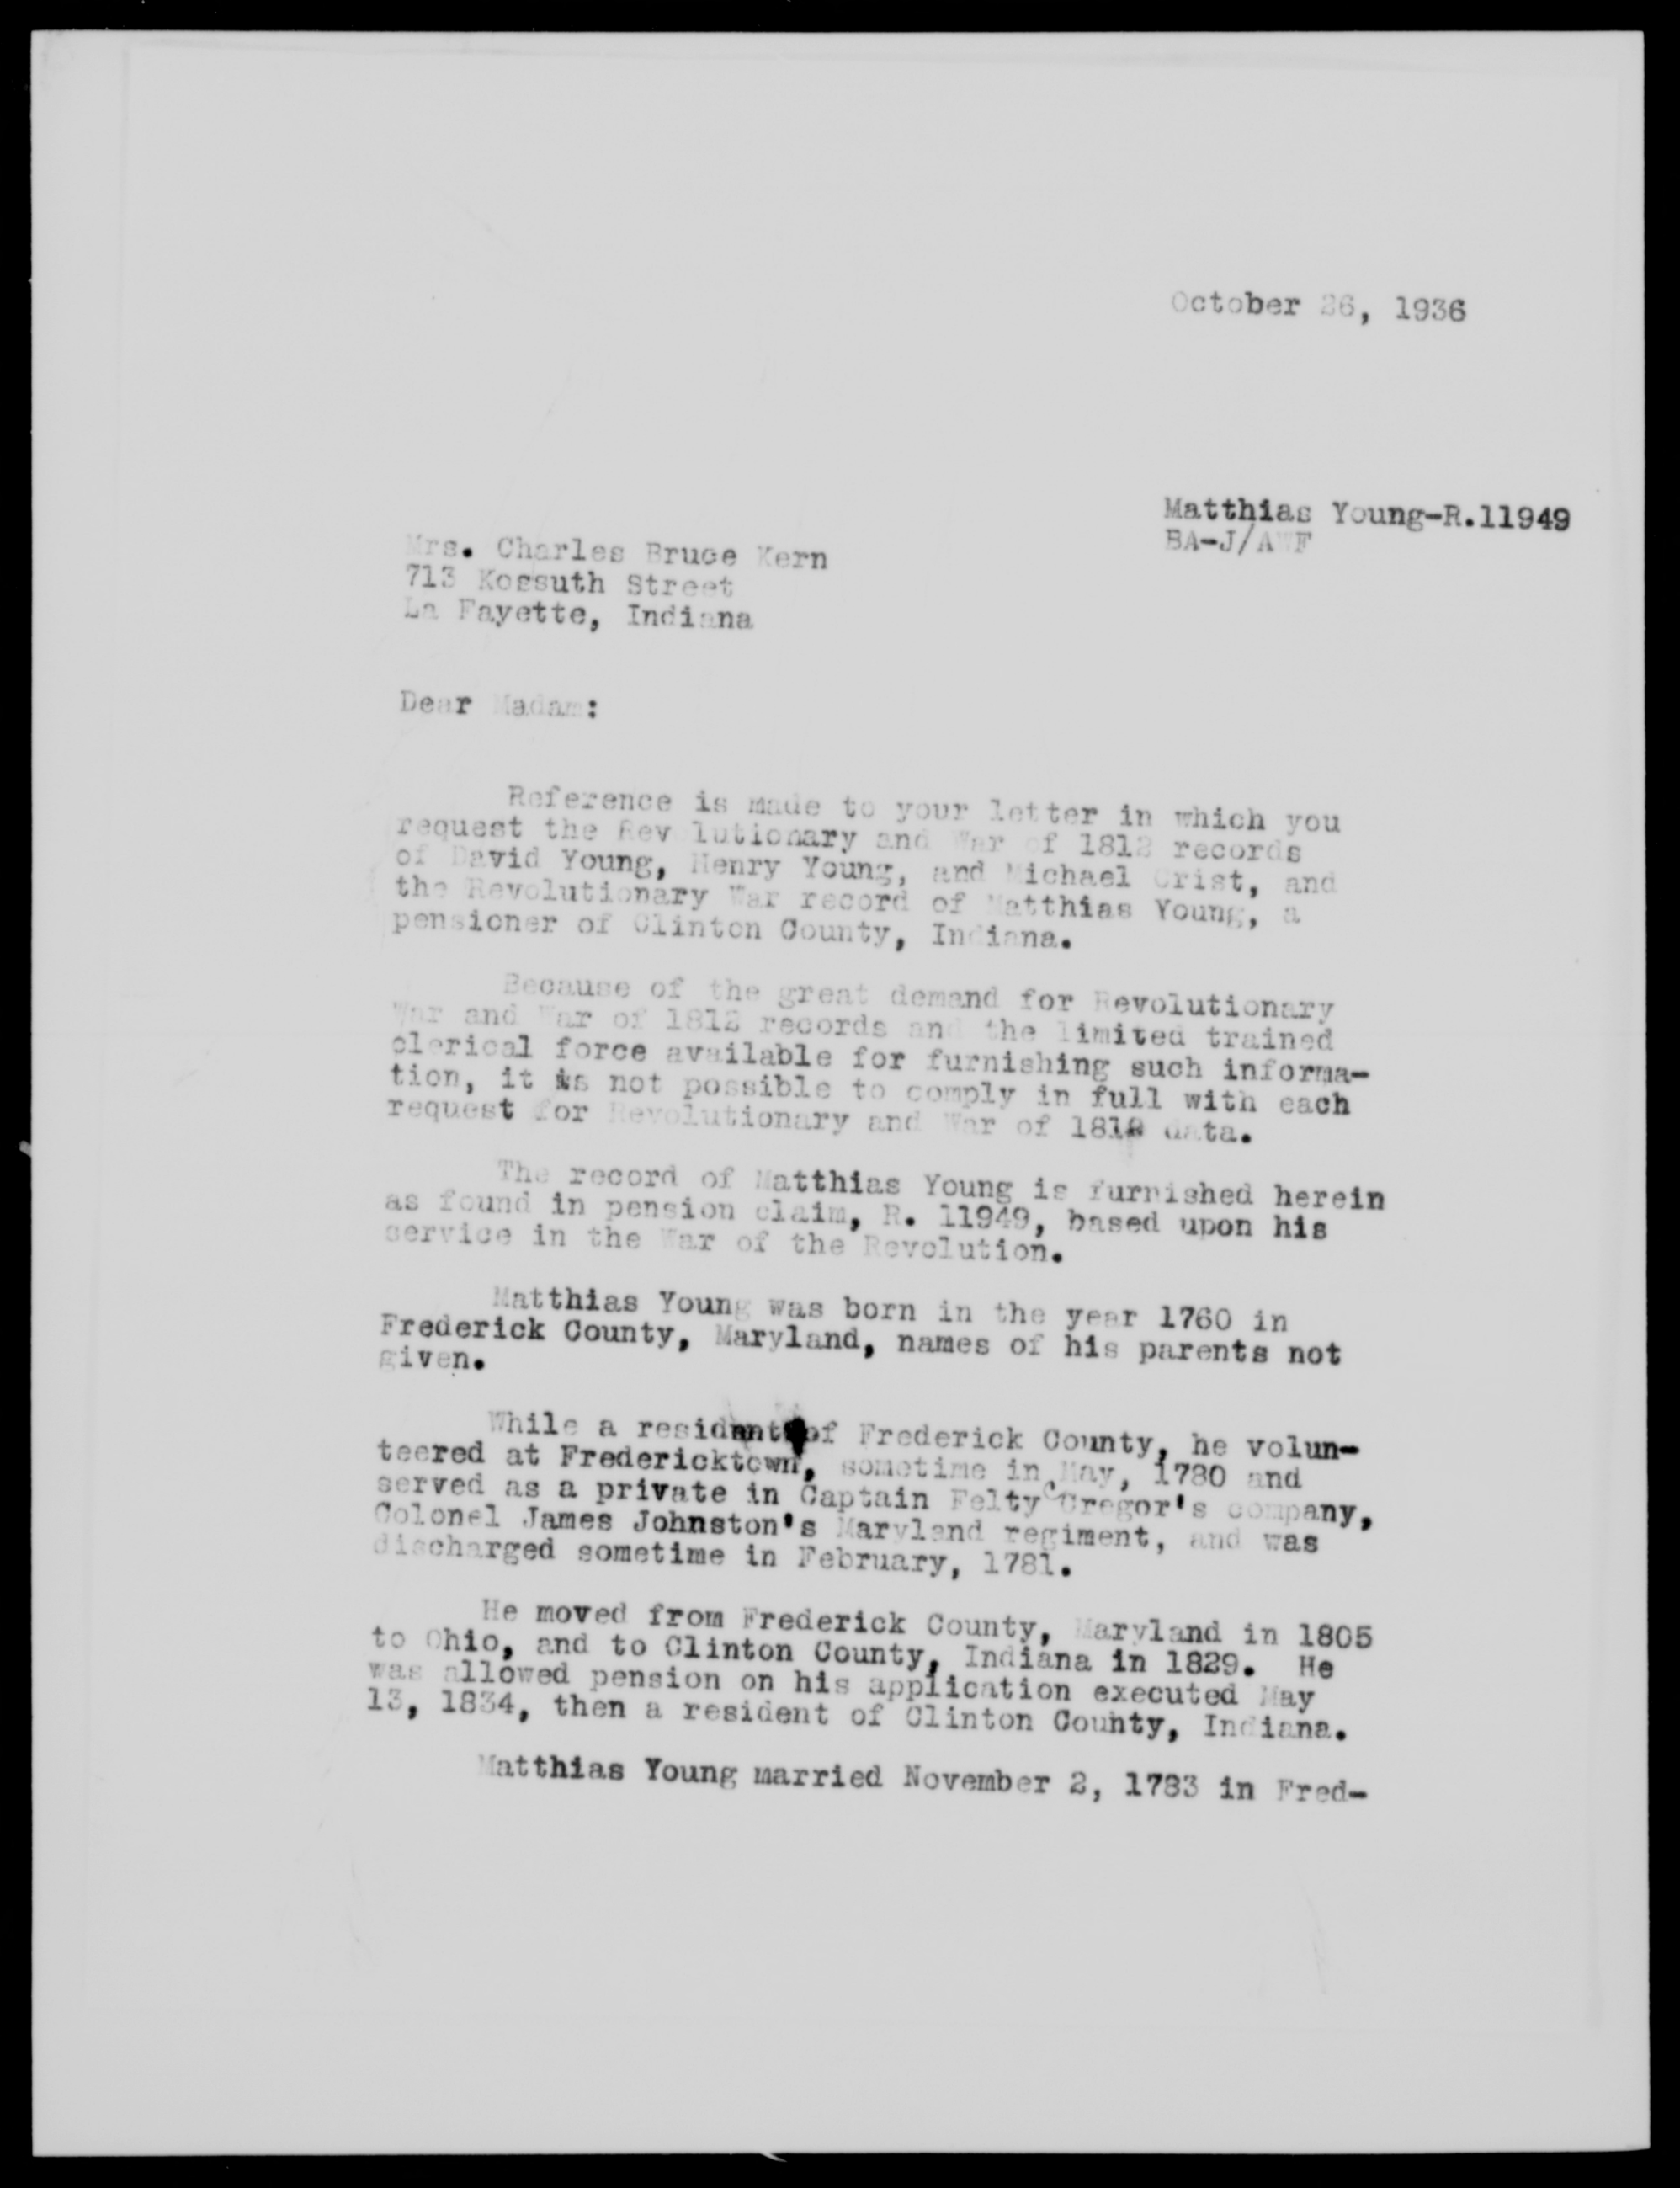October 26, 1936
Matthias Young-R.11949
BA-J/A F

Mrs. Charles Bruce Kern
713 Kossuth Street
Fayette, Indiana
Dear Madam:
request the revolutionary and War of 1812 records
of David Young, Henry Young, and Michael Grist, and
the Revolutionary War record of Matthias Young, a
pensioner of Clinton County, Indiana.
Because of the great demand for Revolutionary
and War of 1812 records and the limited trained
clerical force available for furnishing such information, it is not possible to comply in full with each
request for Revolutionary and War of 1812 data.
The record of Matthias Young is furnished herein
as found in pension claim, R. 11949, based upon his
service in the War of the Revolution.
Matthias Young was born in the year 1760, in
Frederick County, Maryland. The names of his parents were not given.
While a resident of Frederick County, Maryland, Matthias Young volunteered in Fredericktown,
sometime in May, 1780, served as a private in
Captain Felty Cregor's company, Colonel James
Johnston's Maryland regiment, and was discharged
sometime in February, 1781.
He moved from Frederick County, Maryland in 1805, to Ohio, and moved to Clinton County, Indiana,
in 1829.
He was allowed pension on his application
executed May 13, 1834, then a resident of Clinton County, Indiana.

Matthias Young, married November
2, 1783, in Fredericktown,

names: Michael Crist, Matthias Young, Charles Bruce Kern, David Young, Henry Young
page: 43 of 123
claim: rejected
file: R. 11,949, Matthias Young, Md.